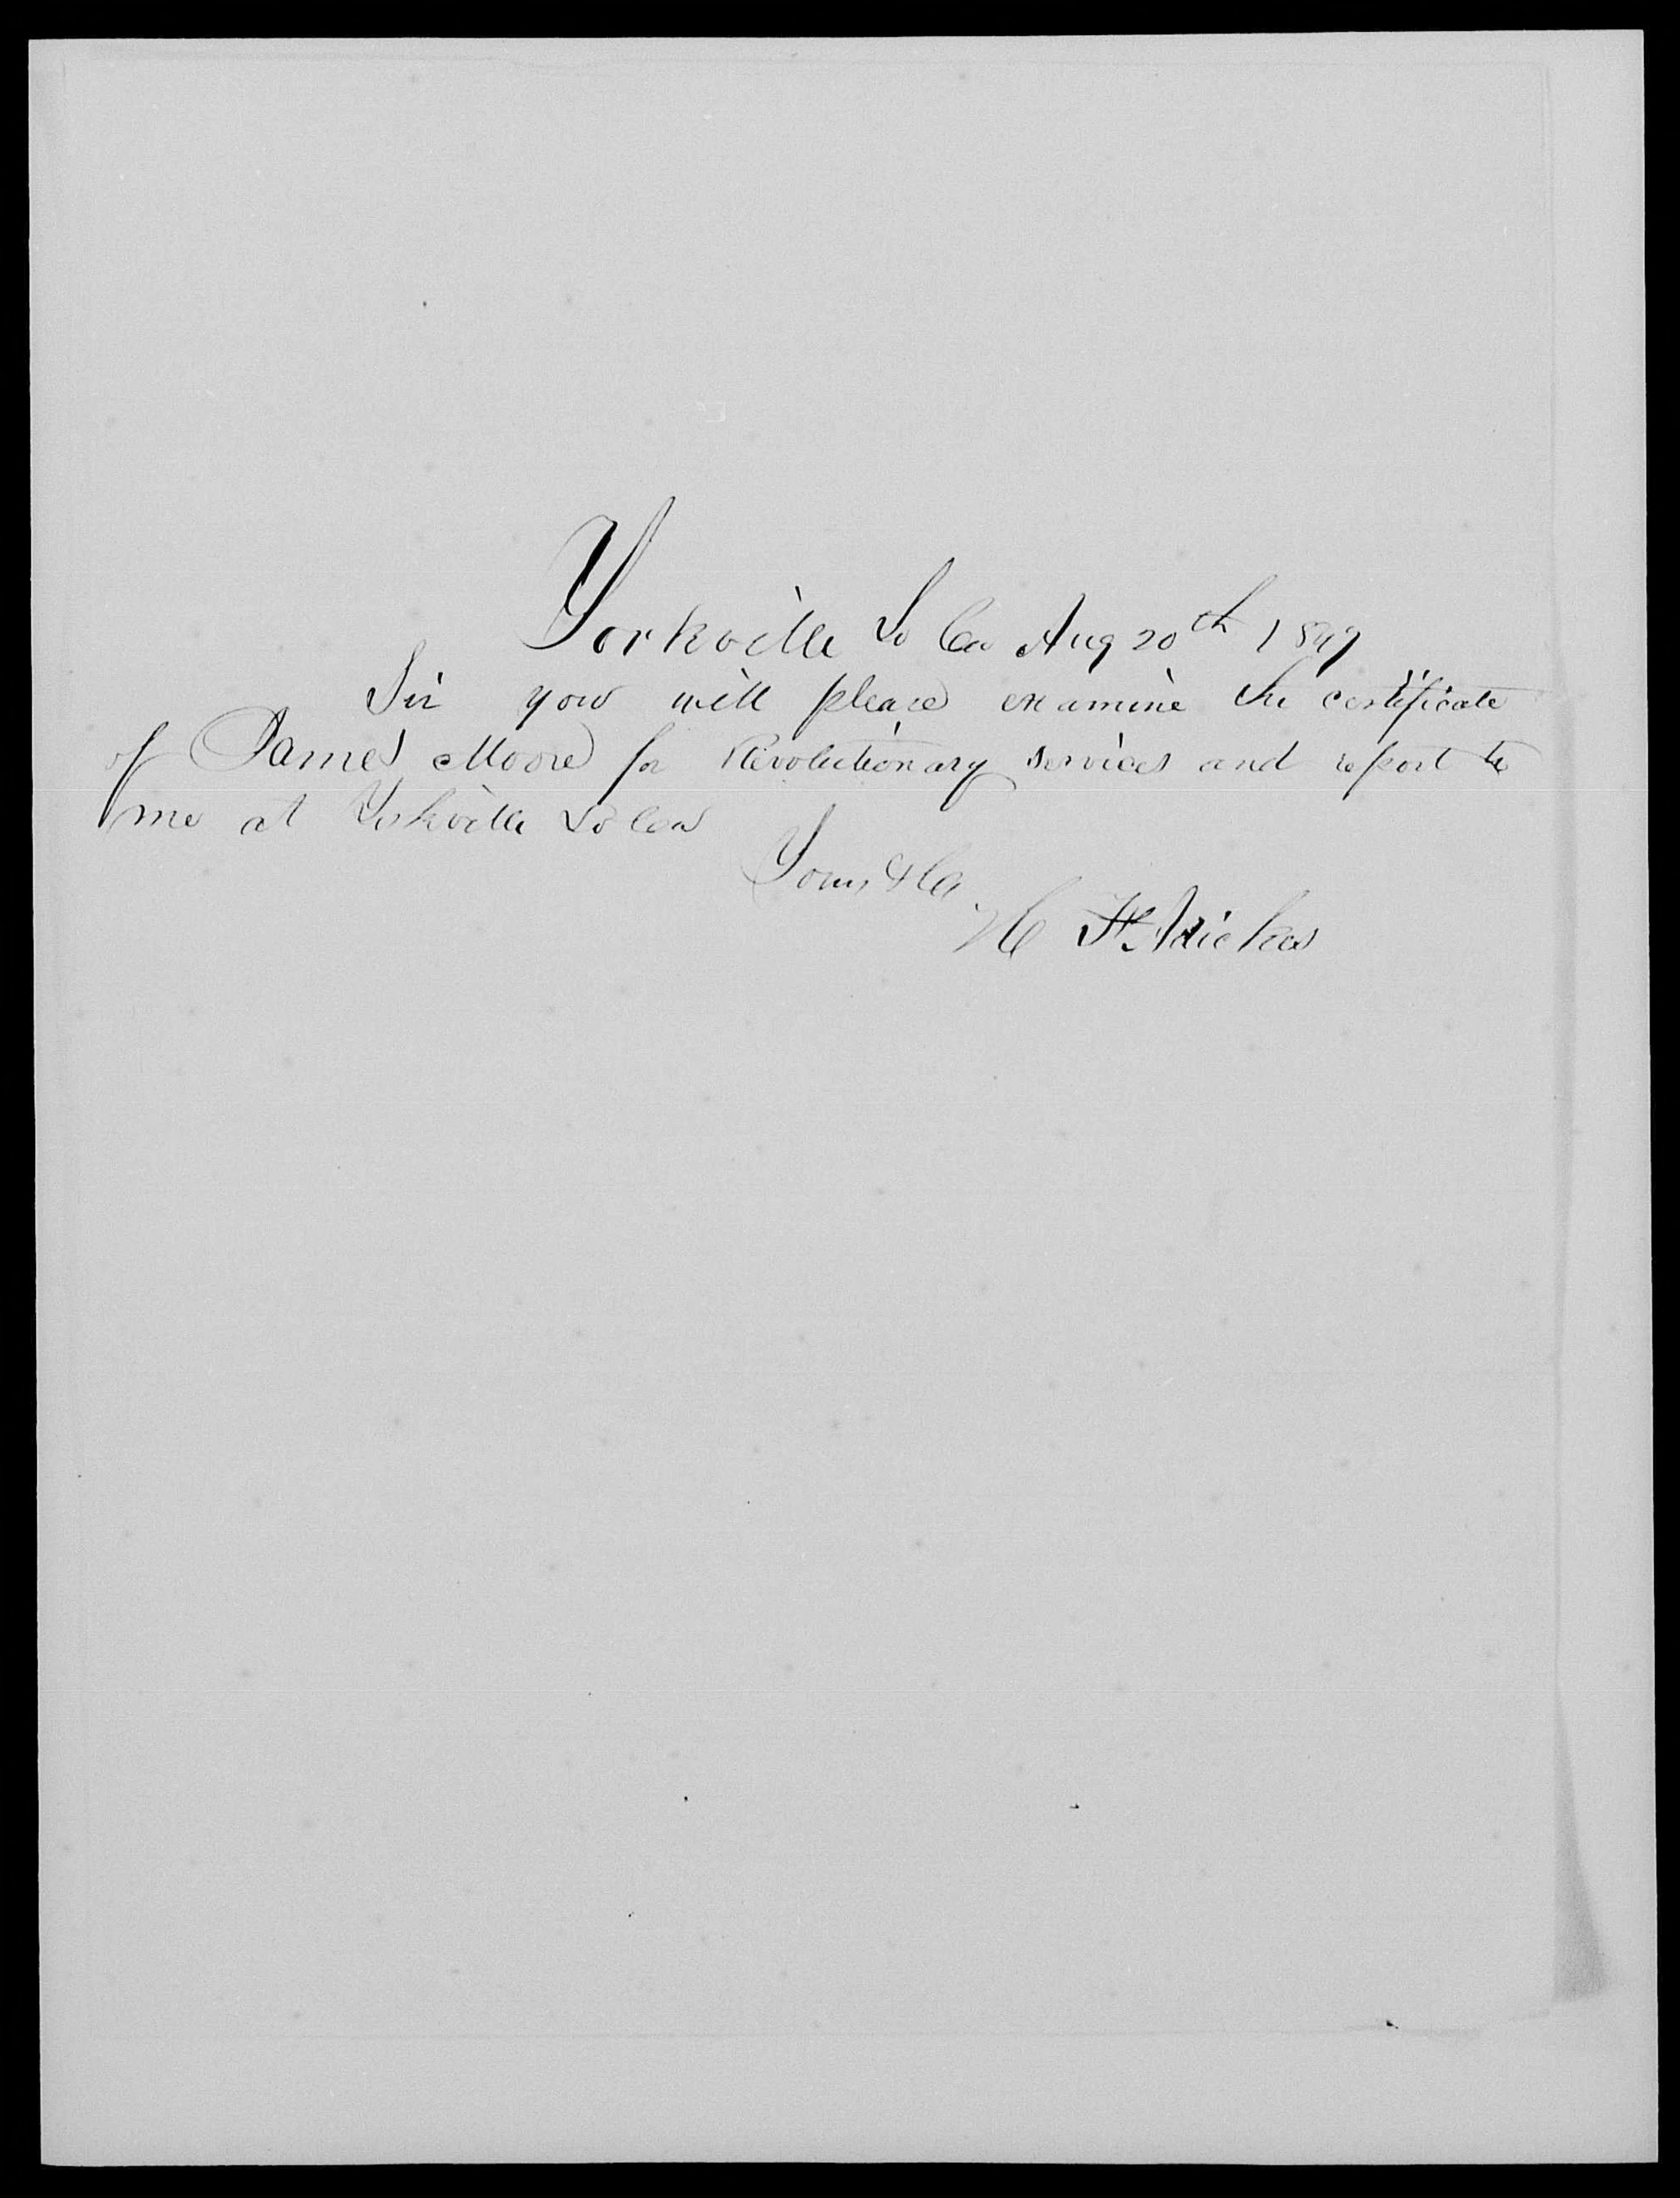Yorkville So Ca Aug 20th 1847
Sir you will please examine the certificate
James Moore for Revolutionary services and report to
me at Yorkville Solon
Yours & [illegible]
H F. Adickes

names: H F Adickes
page: 8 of 17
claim: rejected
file: R 7329, for James More, South Carolina